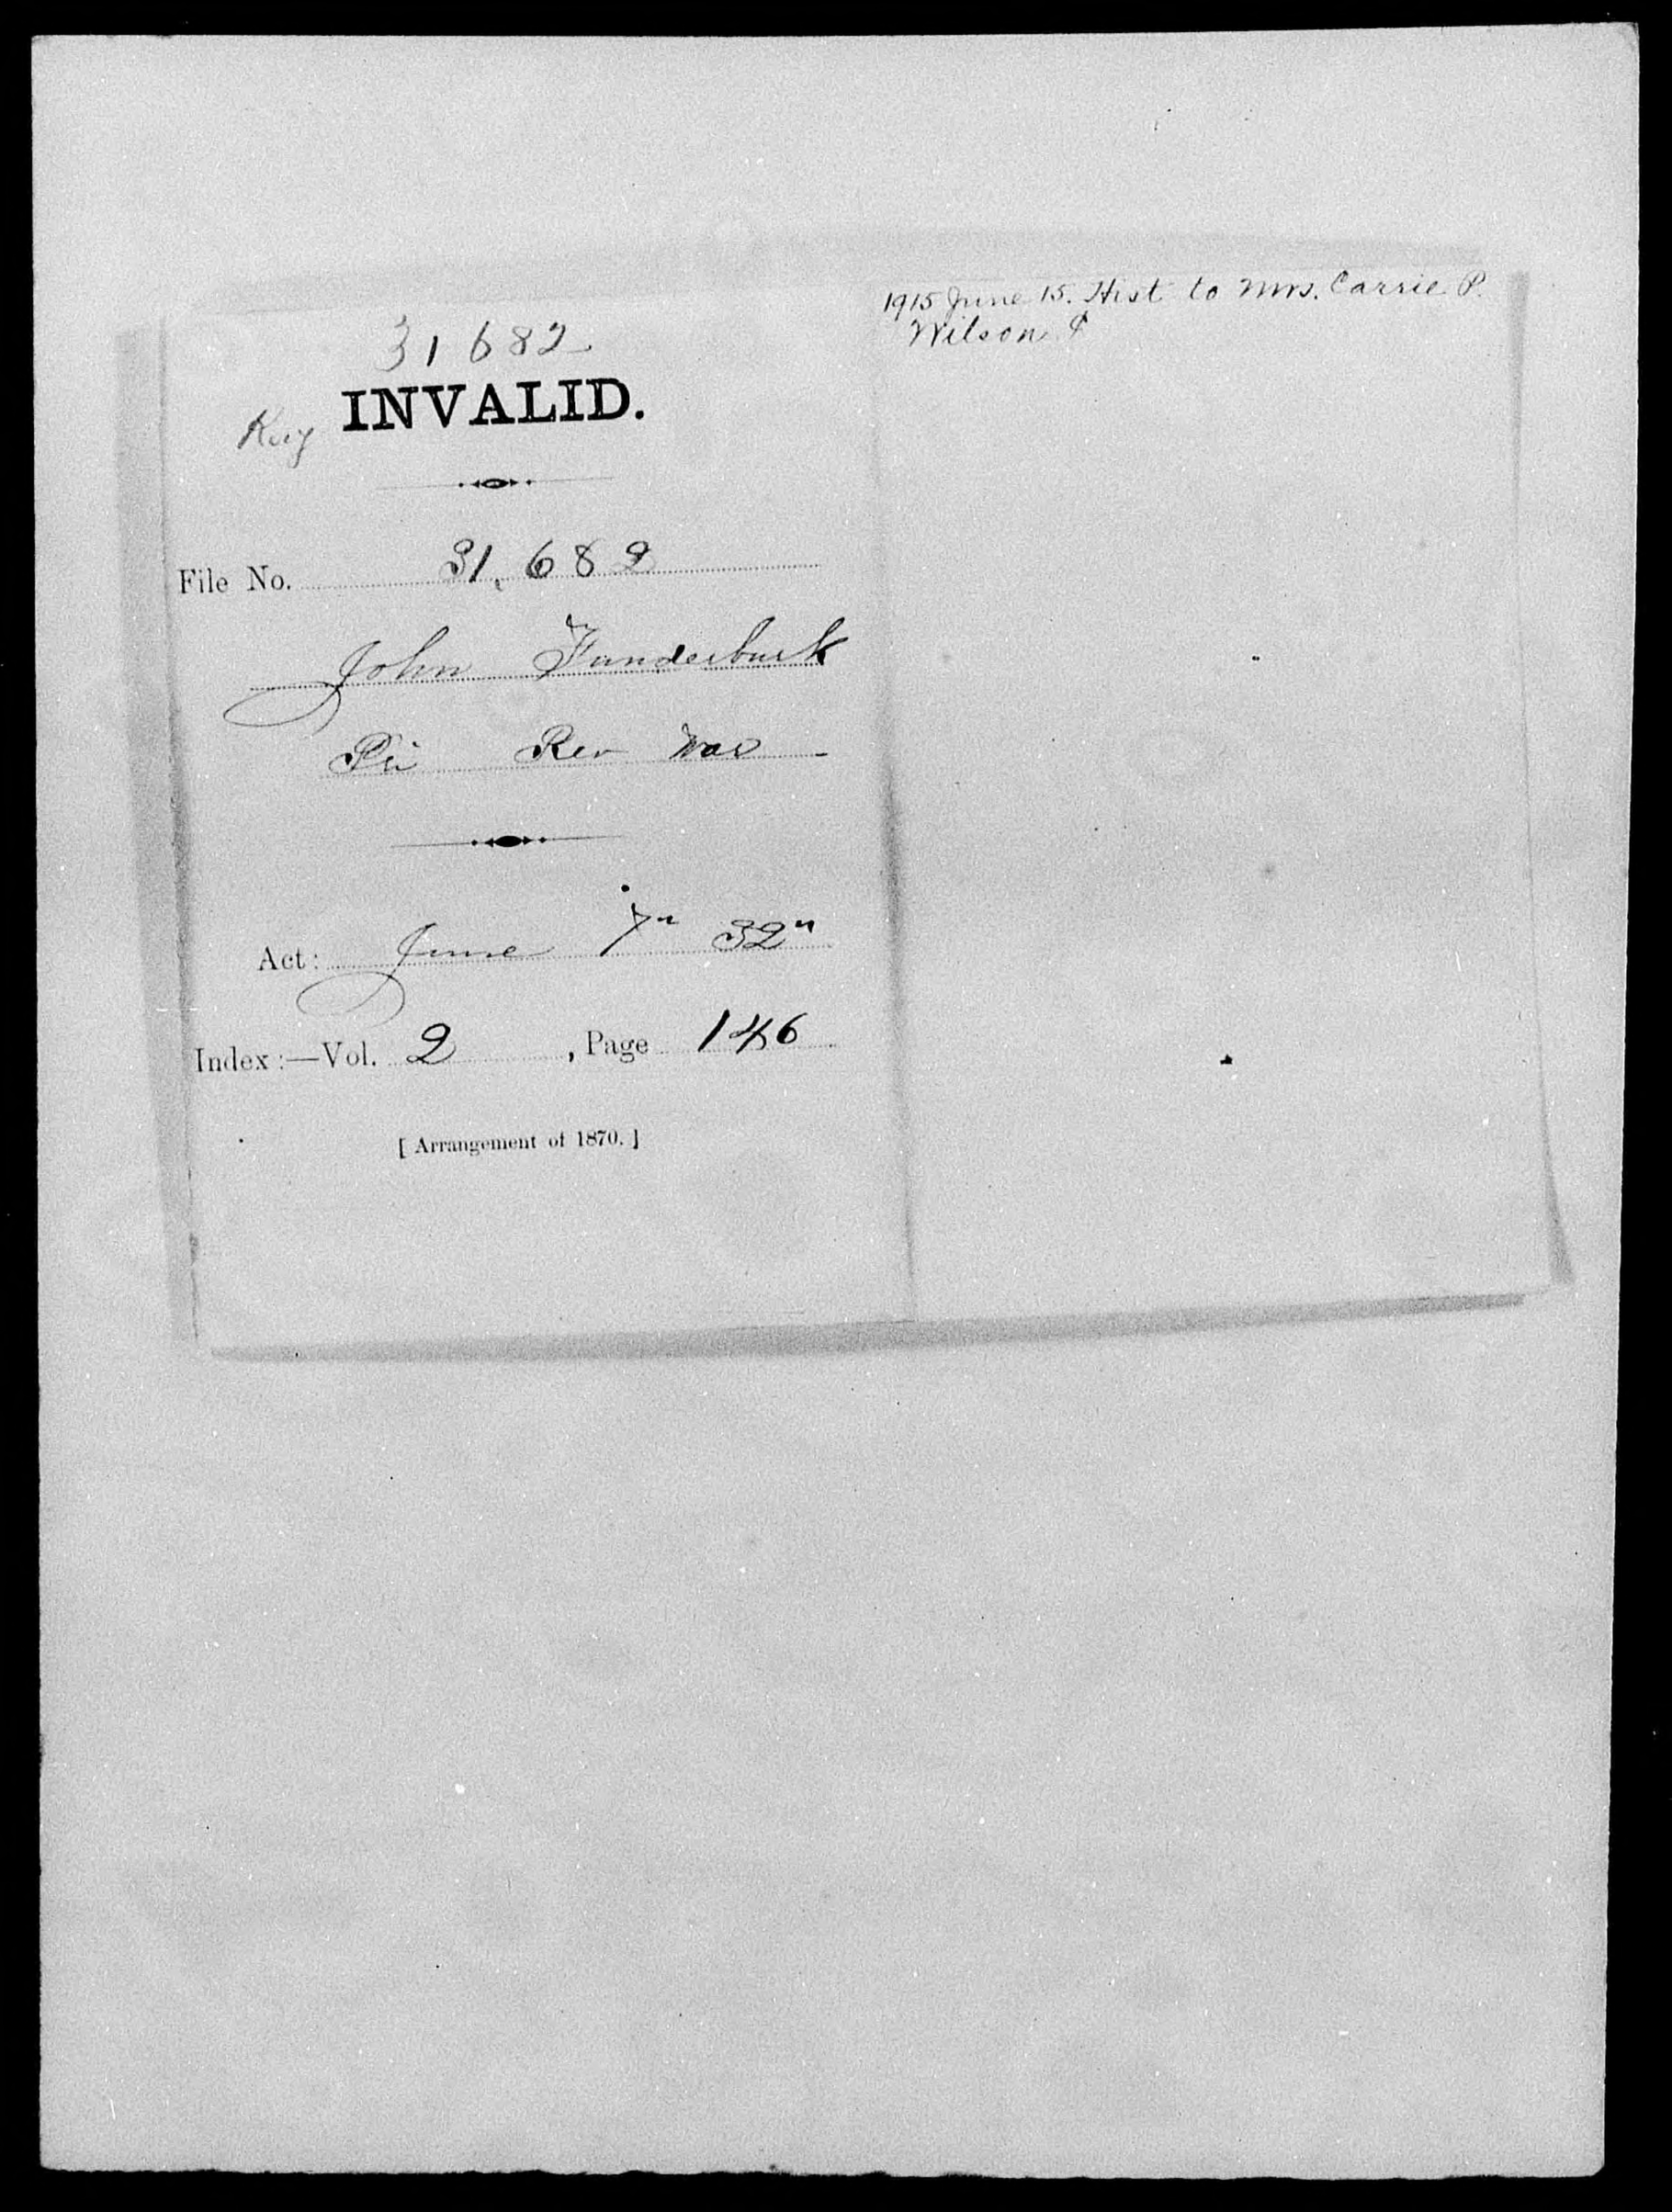31682
INVALID.
__________
File No.  31,682
John Funderburk
in Rev War
__________
Act: June 7th 32
Index: -- Vol. 2, Page 146

[Arrangement of 1870.]


1915 June 15. Hist. to Mrs. Carrie P.
Wilson ¢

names: John Funderburk, Carrie P Wilson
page: 19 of 23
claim: survivor's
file: S. 31,682, John Funderbuck, S.C.